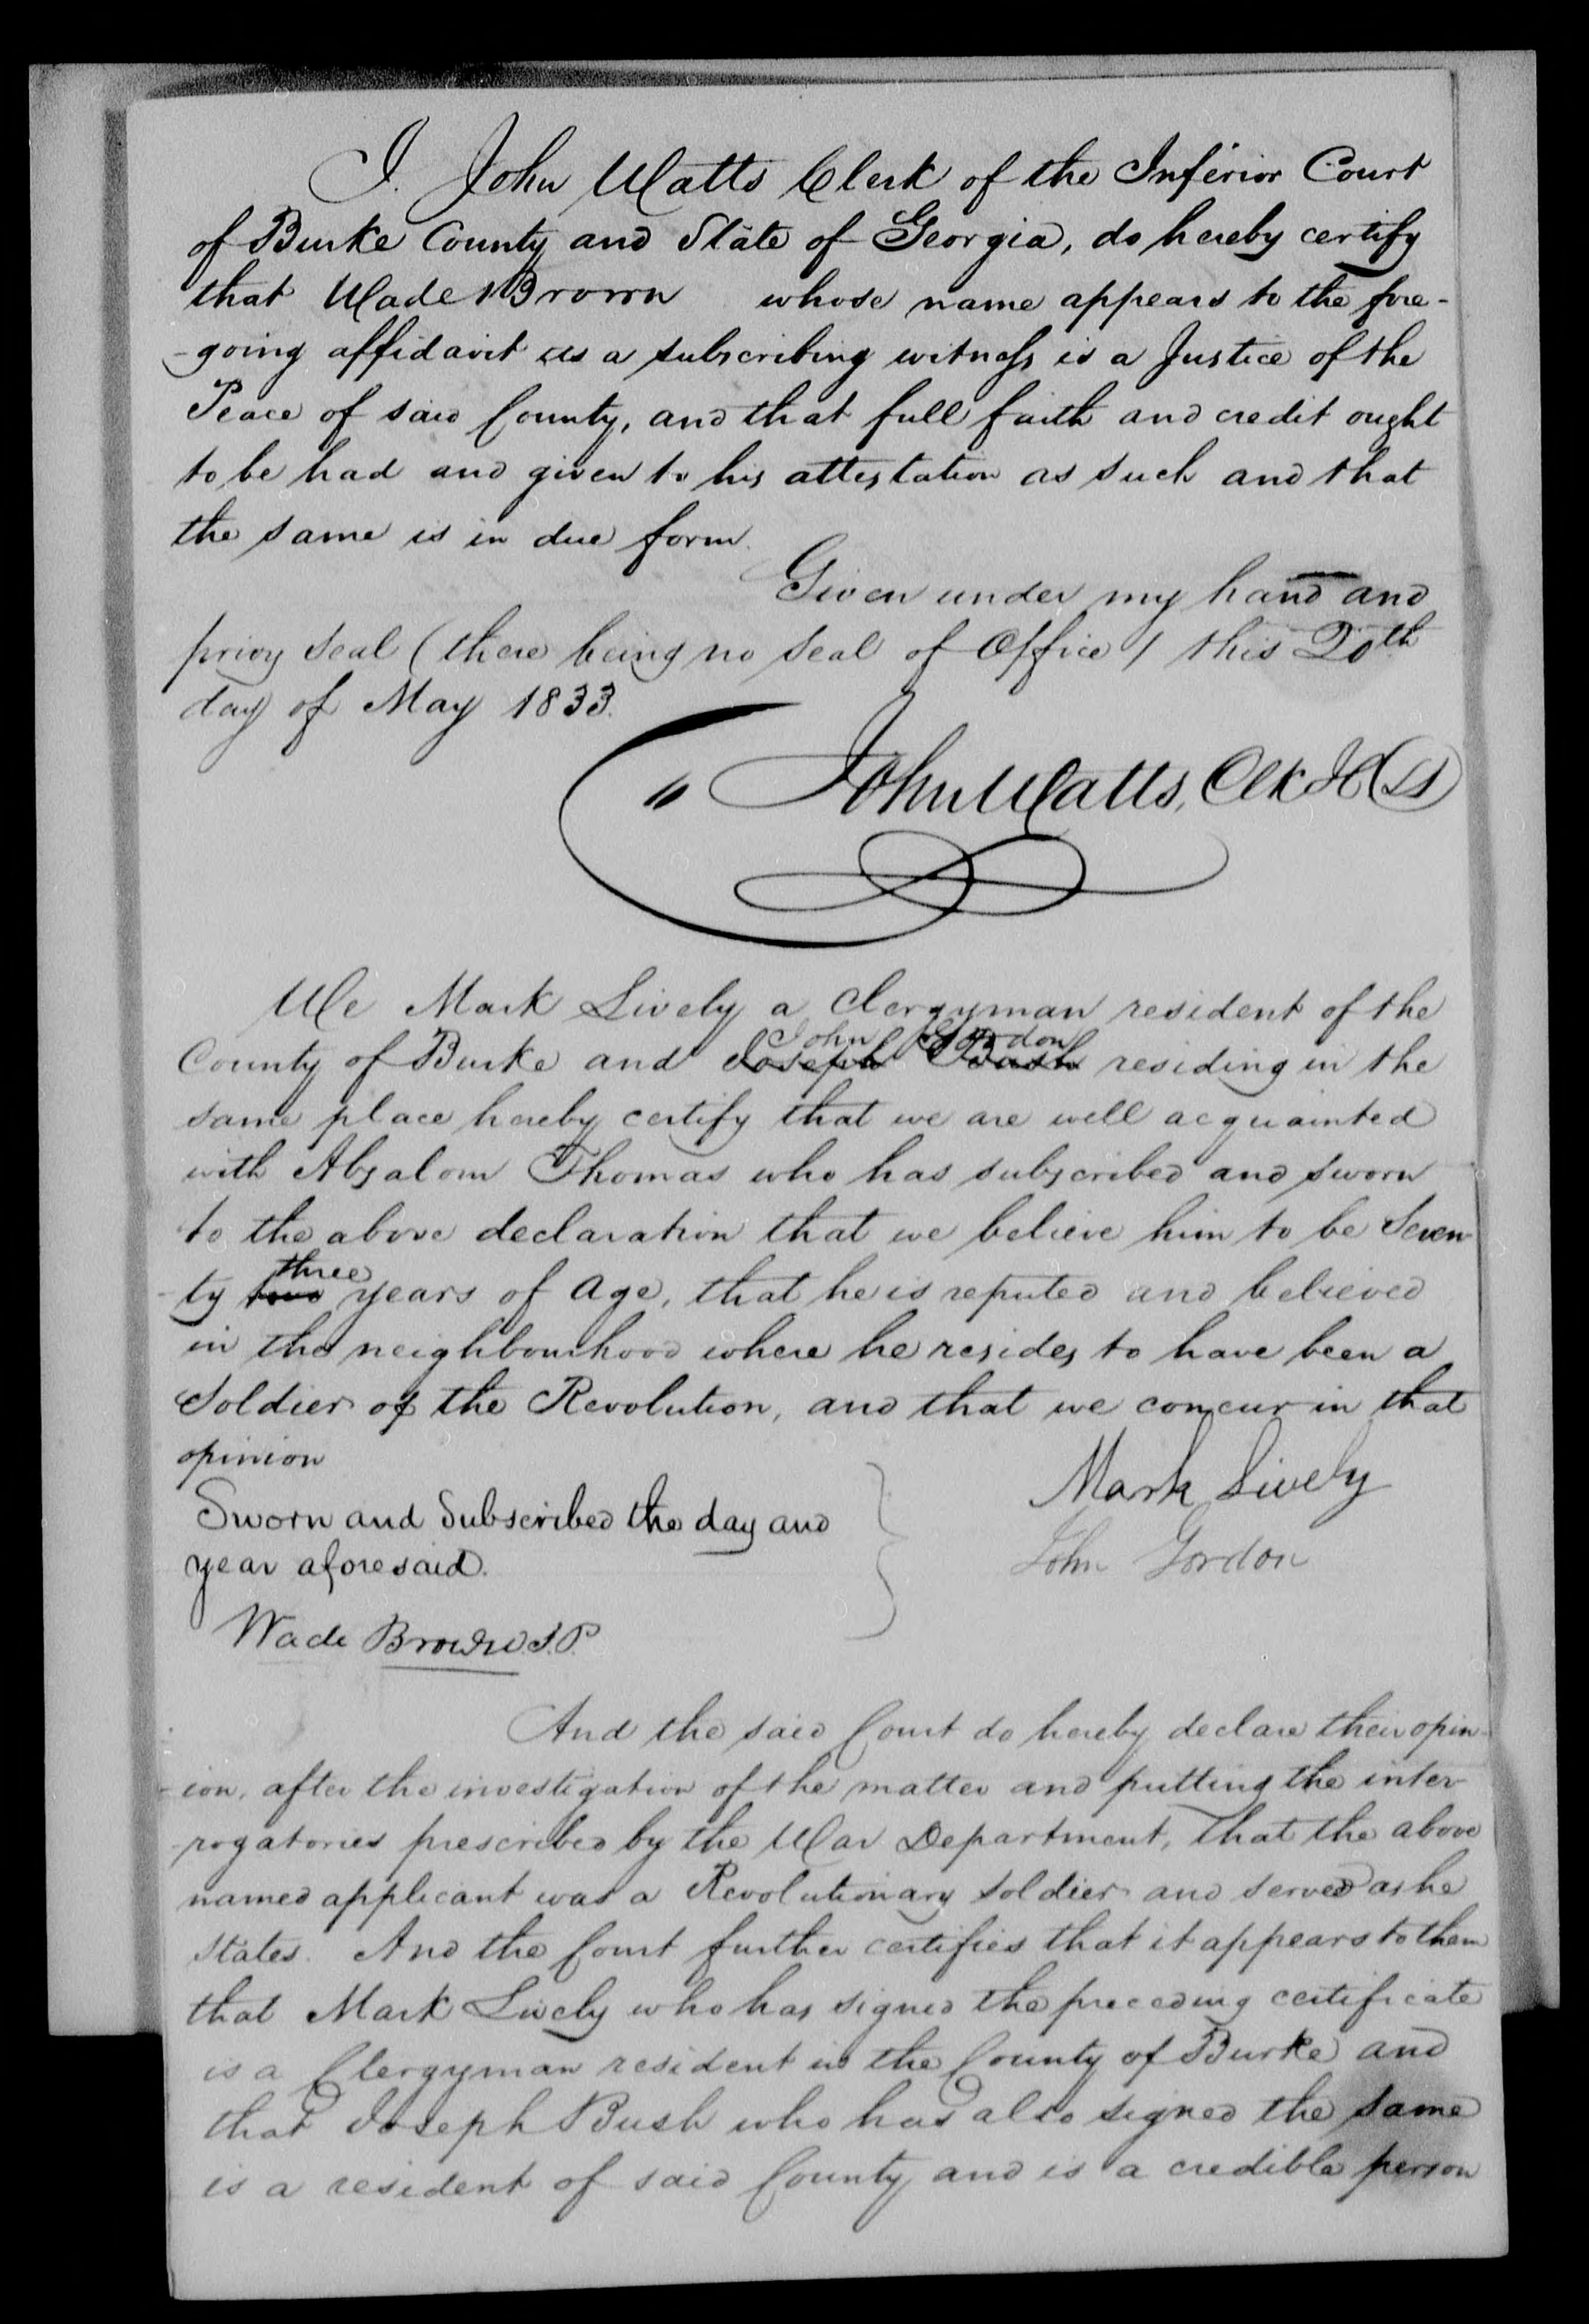I John Watts Clerk of the Inferior Court of Burke County and State of Georgia, do hereby certify that Wade Brown whose name appears to the foregoing affidavit as a subscribing witness is a Justice of the Peace of said County, and that full faith and credit ought to be had and given to his attestation as such and that the same is in due form.
Given under my hand and privy Seal (there being no Seal of Office) this 20th day of May 1833.
John Watts, Clk IC (LS)
We Mark Lively a clergyman resident of the County of Burke and John Gordon [written above the words "Joseph Bush," which were lined out] residing in the same place hereby certify that we are well acquainted with Absalom Thomas who has subscribed and sworn to the above declaration that we believe him to be Seventy three years of age, that he is reputed and believed in the neighbourhood where he resides to have been a Soldier of the Revolution, and that we concur in that opinion
Mark Lively
John Gordon
Sworn and Subscribed the day and year aforesaid.
Wade Brown J.P
And the said Court do hereby declare their opinion, after the investigation of the matter and putting the interrogatories prescribed by the War Department, that the above named applicant was a Revolutionary Soldier and served as he states.  And the Court further certifies that it appears to them that Mark Lively who has signed the preceding certificate is a Clergyman resident in the County of Burke and that Joseph Bush who has also signed the same is a resident of said County and is a credible person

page: 8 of 9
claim: rejected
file: R 10493, for Absalom Thomas, North Carolina